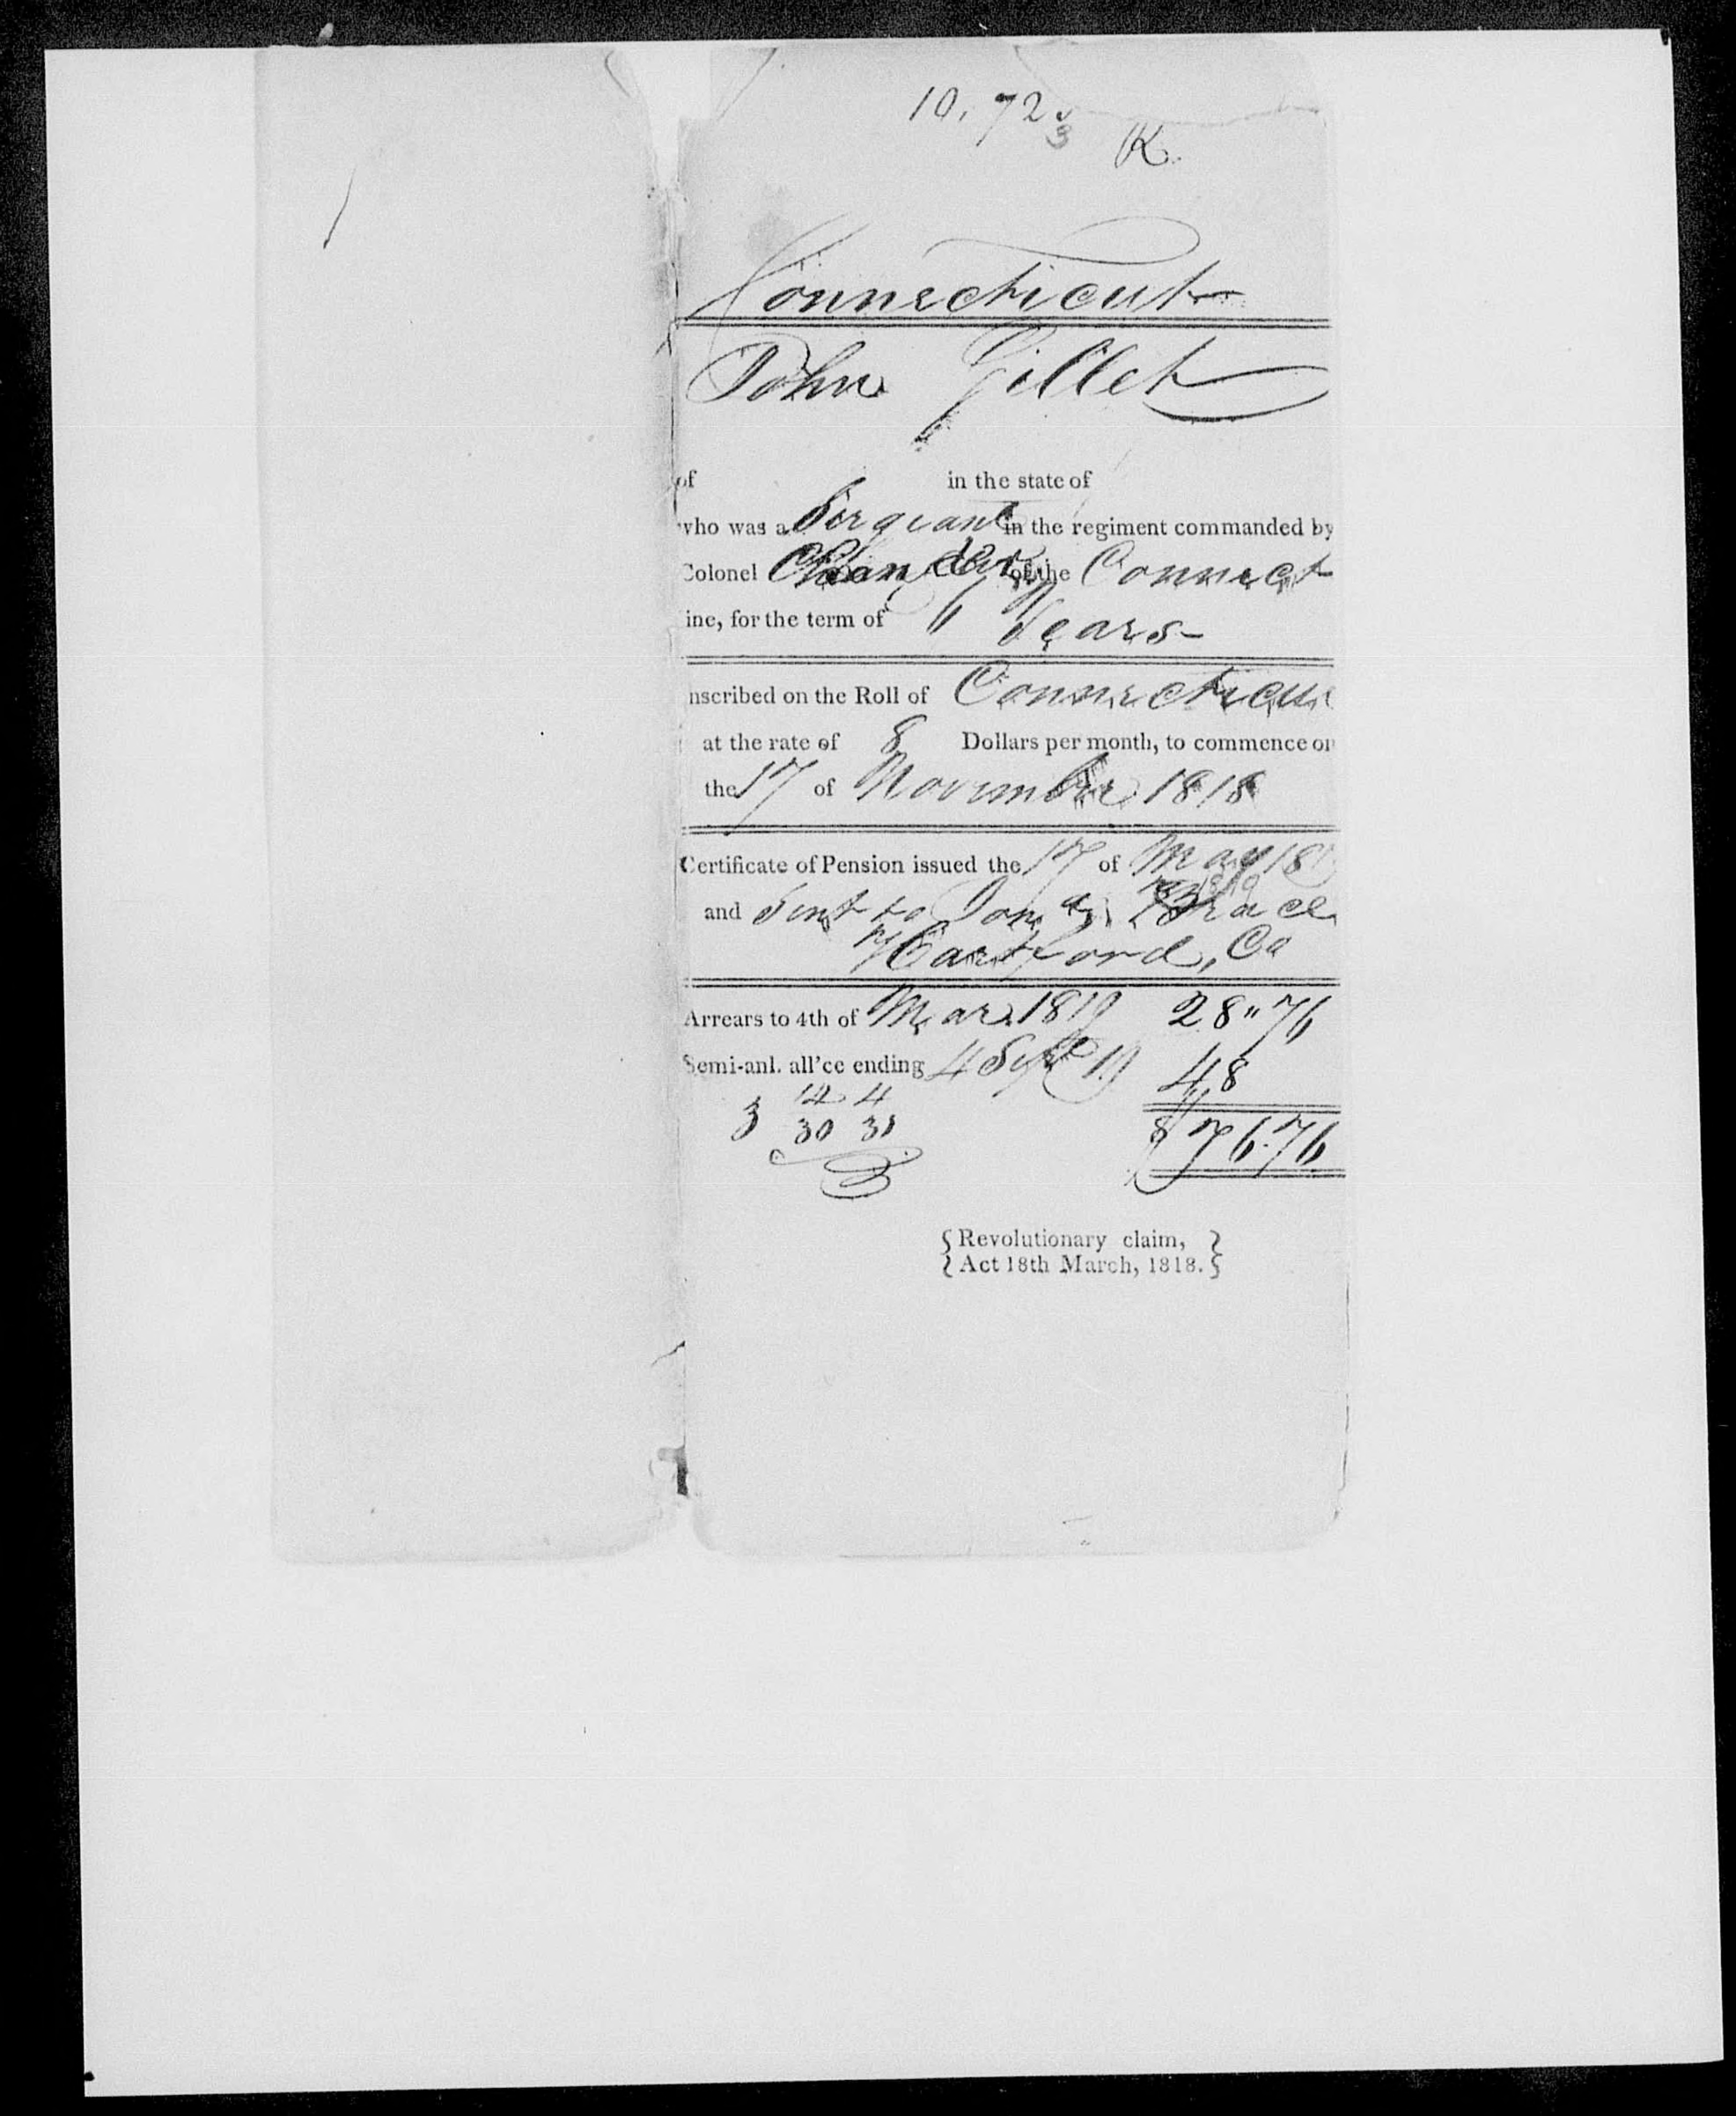10,723     
                                           R

Connecticut
_______________________
John Gillet

of                    in the state of
who was a Sergeant in the regiment commanded by  Colonel Chandler in the Connecticut line, for the term of 6 years -
__________________________
Subscribed on the Roll of Connecticut
at the rate of 8 Dollars per month, to commence on the 17 of November 1818
_________________
Certificate of Pension issued the 17 of May 18..
   and Sent to Jonath. Brace
           Cartcord, Ca
_________________
Arrears to 4th of March 1819           28"76
Semi-anl. all'ce ending 4 Sept ..?.     48
                                                        ________
   3    14.4                                      $  76.76
         30.31
                                   Revolutionary claim,
                                     Act 18th March, 1818}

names: John Gillet, Jona Brace, Chandler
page: 2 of 40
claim: survivor's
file: S. 36,537 And R. 4034, John Gillet, Conn.